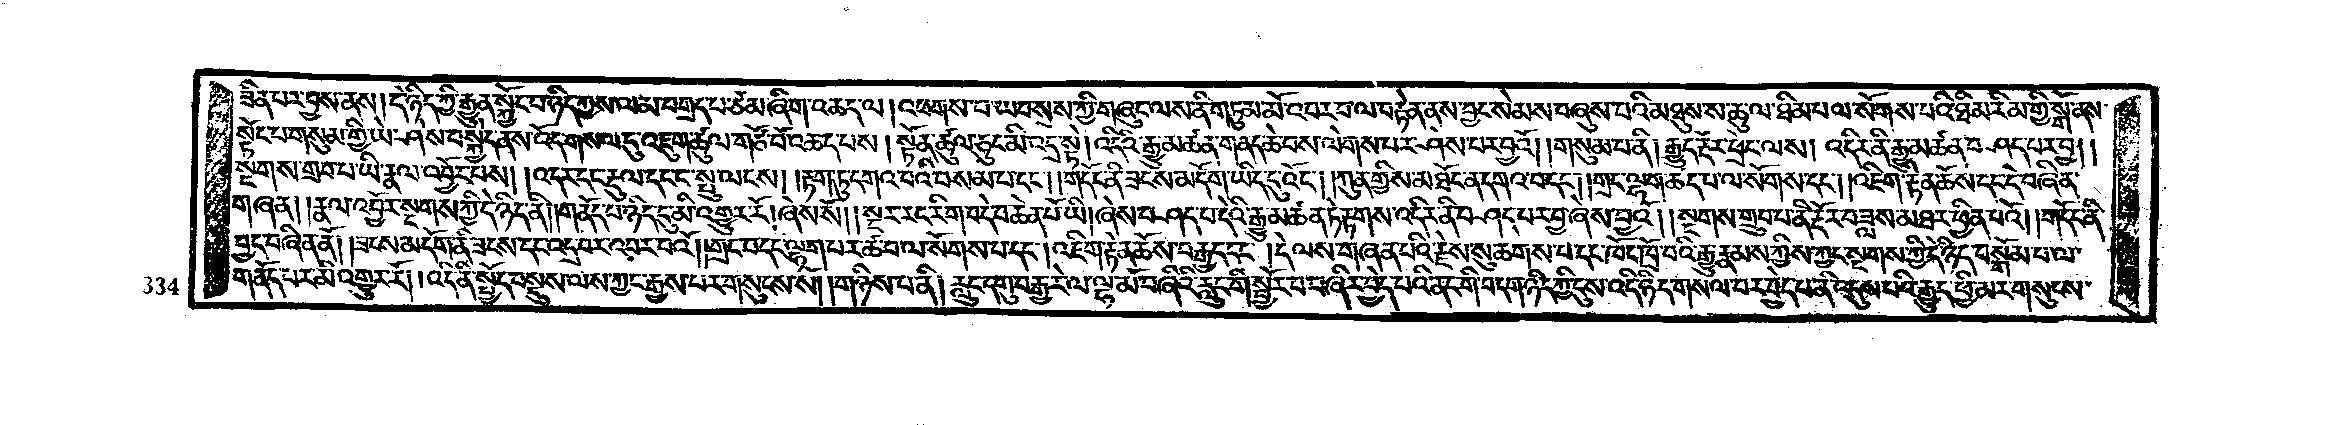ཟིན་པར་བྱས་ནས། དེ་ཉིད་ཀྱི་རྒྱུན་སྐྱོང་བ་ཉིད་ཀྱིས་ལམ་བགྲོད་པ་ཙམ་ཞིག་འཆད་ལ། འཕགས་པ་ཡབ་སྲས་ཀྱི་གཞུང་ལས་ནི་གཏུམ་མོ་འབར་བ་ལ་བརྟེན་ནས་བྱང་སེམས་བཞུས་པའི་མཐུས་ས་ཆུ་ལ་ཐིམ་པ་ལ་སོགས་པའི་ཐིམ་རིམ་གྱི་སྒོ་ནས་
སྟོང་པ་གསུམ་གྱི་ཡེ་ཤེས་བསྐྱེད་ནས་འོད་གསལ་དུ་འཇུག་ཚུལ་གཙོ་བོ་འཆད་པས། སྟོན་ཚུལ་ཅུང་མི་འདྲ་སྟེ། འདིའི་རྒྱུ་མཚན་གནད་ཆེ་བས་ལེགས་པར་ཤེས་པར་བྱའོ། །གསུམ་པ་ནི། རྒྱུད་རྡོར་ཕྲེང་ལས། འདིར་ནི་རྒྱུ་མཚན་བཤད་པར་བྱ།།
སྔགས་གྲབ་པ་ཡི་རྣལ་འབྱོར་པས། །འདར་དང་རྡུལ་དང་བ་སྤུ་ལངས། །རྟག་ཏུ་དགའ་བའི་བསམ་པ་དང་། །གདོང་ནི་ཟངས་མདོག་ཡིད་དུ་འོང་། །ཀུན་གྱིས་མཐོང་ན་དགའ་བ་དང་། །གྲང་ལྷག་ཚད་པ་ལ་སོགས་དང་། །འཇིག་རྟེན་ཆོས་དང་དེ་བཞིན་
གཞན། །རྣལ་འབྱོར་སྔགས་ཀྱི་དེ་ཉིད་ནི། །གནོད་པ་ཉིད་དུ་མི་འགྱུར་རོ། ཞེས་སོ། །སྔར་རང་རིག་བདེ་བ་ཆེན་པོ་ཡི། ཞེས་བཤད་པ་དེའི་རྒྱུ་མཚན་ཏེ་རྟགས་འདིར་ནི་བཤད་པར་བྱ་ཞེས་བྱའོ། །སྔགས་གྲུབ་པ་ནི་རྡོར་བཟླས་མཐར་ཕྱིན་པའོ། །གདོར་ནི་
བྱད་བཞིན་ནོ། །ཟངས་མདོག་ནི་ཟངས་དང་འདྲ་བར་འབར་བའོ། །གྲང་བ་དང་ལྷག་པར་ཚ་བ་ལ་སོགས་པ་དང་། འཇིག་རྟེན་ཆོས་བརྒྱད་དང་། དེ་ལས་གཞན་པའི་རྗེས་སུ་ཆགས་པ་དང་ཁོང་ཁྲོ་བའི་རྒྱུ་རྣམས་ཀྱིས་ཀྱང་སྔགས་ཀྱི་དེ་ཉིད་བསྒོམ་པ་ལ་
གནོད་པར་མི་འགྱུར་རོ། །འདི་ནི་སྤྱོད་བསྡུས་ལས་ཀྱང་རྒྱས་པར་གསུངས་སོ། །གཉིས་པ་ནི། རླུང་དགུ་བརྒྱ་རེ་ལ་ལྷ་མོ་བཞིའི་རླུང་གི་སྦྱོར་བ་བཞིར་བྱེད་པའི་ནང་གི་བདག་ཉིད་ཀྱི་དུས་འདི་ཉིད་གསལ་བར་བྱེད་པ་ནི་འདུས་པའི་རྒྱུད་ཕྱི་མར་གསུངས་